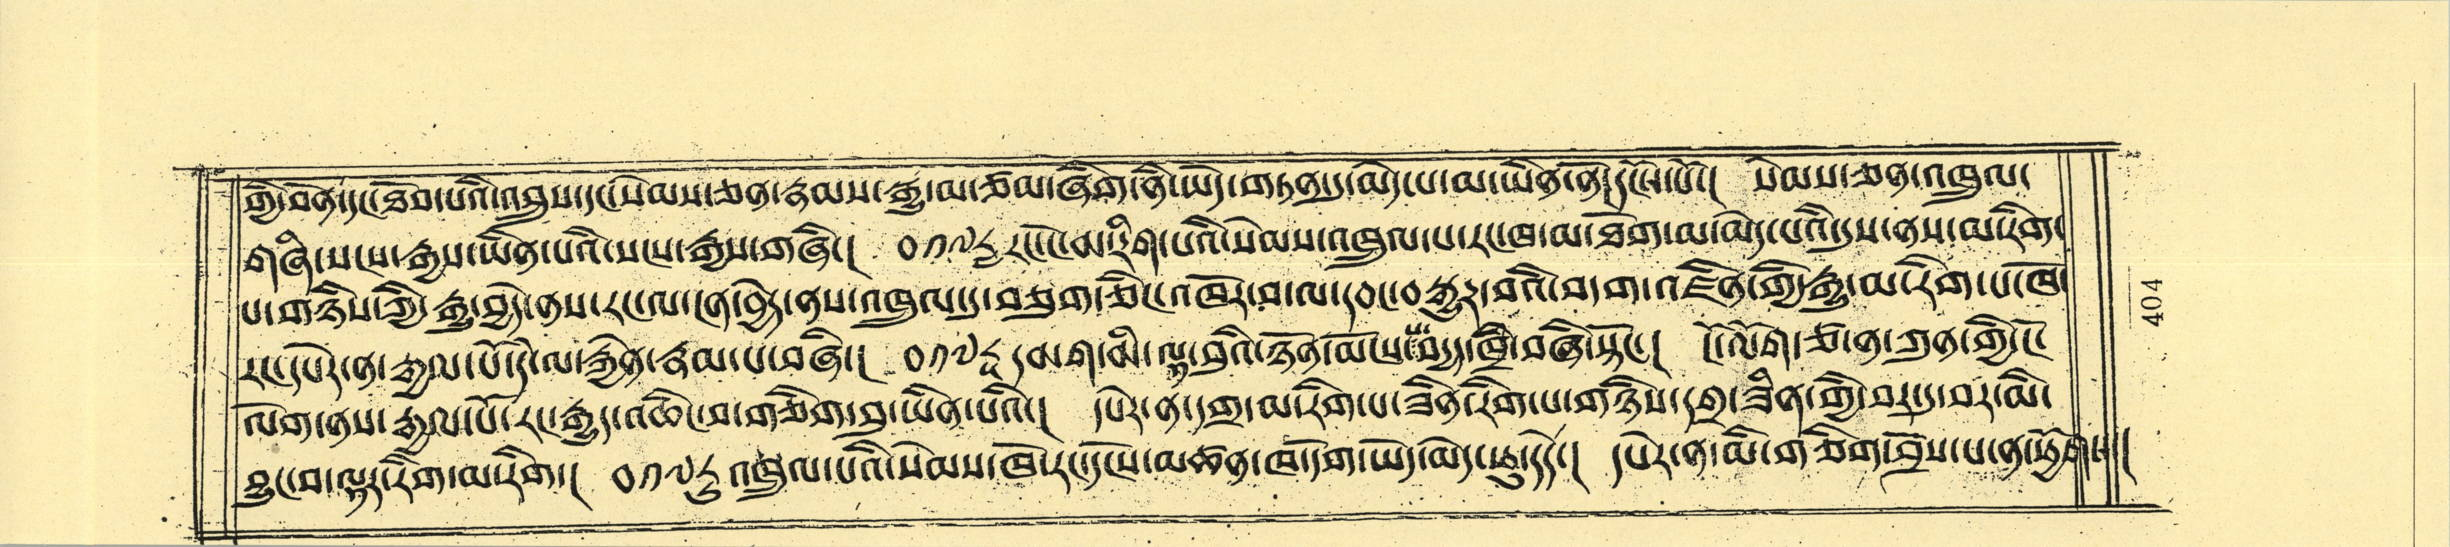གྱི་བོན་དང་གྲུབ་པའི་འབྲས་བུ་དང་། སེམས་ཅན་རྣམས་སྒྱུ་མ་ཙམ་ཞིག་ནི་ཡོད་གཏན་དུ་མེ་དཔ་མ་ཡིན་ནོ།༼དངོས་པོ༽སེམས་ཅན་འཁྲུལ་
གཞི་སངས་རྒྱས་ཡིན་པས་སངས་རྒྱས་གཞི་བ༡༧༨།༤རང་ངོ་༼མ་རིག་པའི༽སེམས་ཅན་འཁྲུལ་པ་རང་ཁ་མ་ཐོག་མ་མེད་པའི་དུས་ནས་མ་རིག་
པ་གཉིས་ཀྱི་རྒྱུ་བྱེད་ནས་རང་ལ་ངན་བྱེད་ནས་འཁྲུལ་དུ་བཅུག་ཅིང་འཁོར་བ་ལ་དབང་བསྒྱུར་བའི་བདག་འཛིན་གྱི་རྒྱུ་མ་རིག་པ་ཁོ་
རང་དཔེར་ན་གི་༼རྒྱལ་པོ་དེ་ལ༽རྐྱེན་རྣམ་པ་བཞི་བ༡༧༨།༥༼དམག་མི༽ལྟ་བུའི་ཉོན་མོངས་པ་བརྒྱད་ཁྲི་བཞི་སྟོང་༼ངོ་ལོག༽ཙ་ན་ཀུན་གྱི་ངོ་
ལོག་ནས་༼རྒྱལ་པོ༽རང་རྒྱུད་འཆིང་བ་གཅིག་པུ་ཡིན་པའི་༼དཔེར་ན༽དགྲ་མ་རིག་པ་ཟིན་རིག་པ་གཉིས་༼དགྲ་ཟིན་༽གྱི་བར་དུ་བར་མི་
བྱུང་བ་ལྟར་རིག་མ་རིག་བ༡༧༨།༦འཁྲུལ་པའི་སེམས་ཁོ་རང་དངོས་མཚན་ཁ་དོག་ཡོད་མེད་༼ཕུ་དེད༽དཔེར་ན་མི་གཅིག་བྲོས་པ་ན་༼ཕྱོགས༽